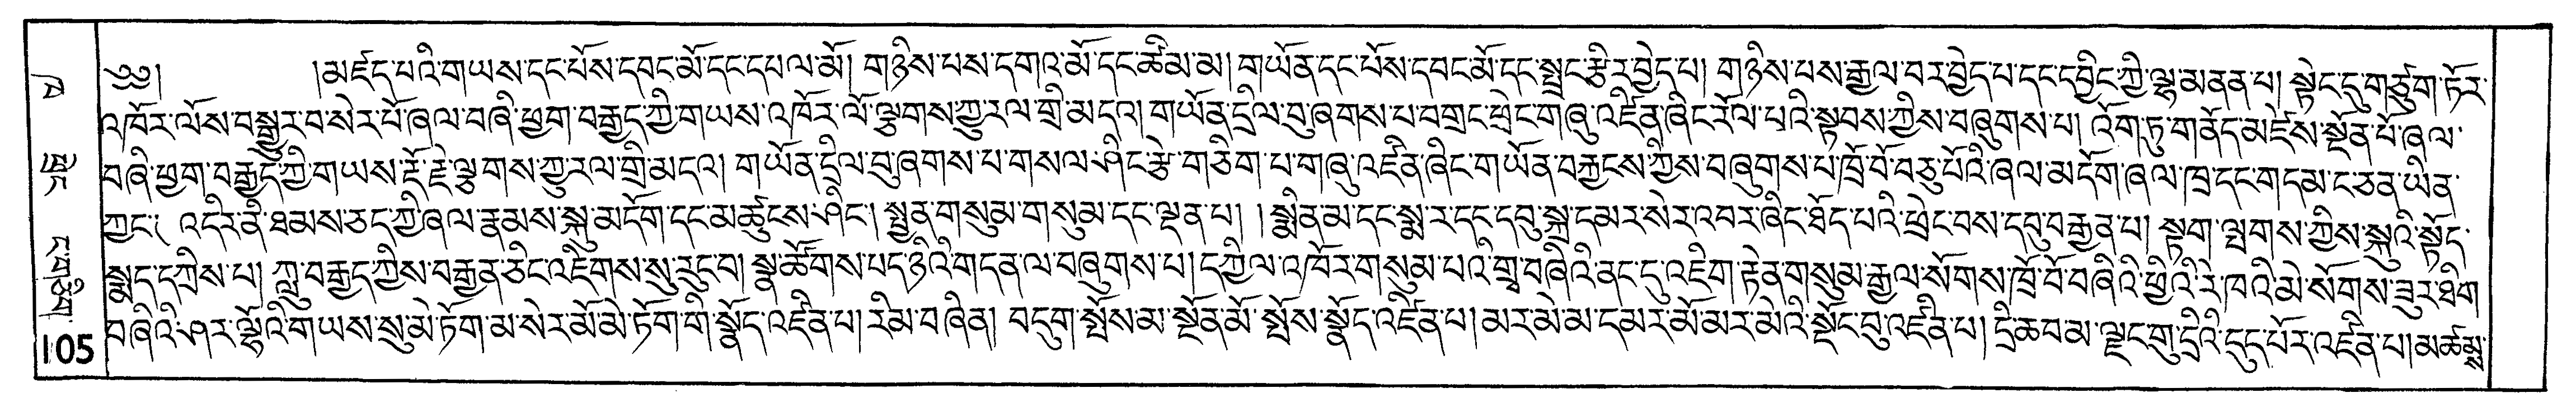༄༅། །མཛད་པའི་གཡས་དང་པོས་དབང་མོ་དང་དཔལ་མོ། གཉིས་པས་དགའ་མོ་དང་ཚིམ་མ། གཡོན་དང་པོས་དབང་མོ་དང་སྤྲང་རྩིར་བྱེད་པ། གཉིས་པས་རྒྱལ་བར་བྱེད་པ་དང་དབྱིང་ཀྱི་ལྷ་མནན་པ། སྟེང་དུ་གཙུག་ཏོར་
འཁོར་ལོས་བསྒྱུར་བ་སེར་པོ་ཞལ་བཞི་ཕྱག་བརྒྱད་ཀྱི་གཡས་འཁོར་ལོ་ལྕགས་ཀྱུ་རལ་གྲི་མདའ། གཡོན་དྲིལ་བུ་ཞགས་པ་བགྲང་ཕྲེང་གཞུ་འཛིན་ཞིང་རོལ་པའི་སྟབས་ཀྱིས་བཞུགས་པ། འོག་ཏུ་གནོད་མཛེས་སྔོན་པོ་ཞལ་
བཞི་ཕྱག་བརྒྱད་ཀྱི་གཡས་རྡོ་རྗེ་ལྕགས་ཀྱུ་རལ་གྲི་མདའ། གཡོན་དྲིལ་བུ་ཞགས་པ་གསལ་ཤིང་རྩེ་གཅིག་པ་གཞུ་འཛིན་ཞིང་གཡོན་བརྐྱངས་ཀྱིས་བཞུགས་པ་ཁྲོ་བོ་བཅུ་པོའི་ཞལ་མདོག་ཞལ་ཁྲ་དང་གདམ་ང་ཅན་ཡིན་
ཀྱང༑ འདིར་ནི་ཐམས་ཅད་ཀྱི་ཞལ་རྣམས་སྐུ་མདོག་དང་མཚུངས་ཤིང་། སྤྱན་གསུམ་གསུམ་དང་ལྡན་པ། །སྨིན་མ་དང་སྨ་ར་དང་དབུ་སྐྲ་དམར་སེར་འབར་ཞིང་ཐོད་པའི་ཕྲེང་བས་དབུ་བརྒྱན་པ། སྟག་ལྤགས་ཀྱིས་སྐུའི་སྟོད་
སྨད་དཀྲིས་པ། ཀླུ་བརྒྱད་ཀྱིས་བརྒྱན་ཅིང་འཇིགས་སུ་རུང་བ། སྣ་ཚོགས་པད་ཉིའི་གདན་ལ་བཞུགས་པ། དཀྱིལ་འཁོར་གསུམ་པའི་གྲྭ་བཞིའི་ནང་དུ་འཇིག་རྟེན་གསུམ་རྒྱལ་སོགས་ཁྲོ་བོ་བཞིའི་ཕྱིའི་རེ་ཁའི་མེ་སོགས་ཟུར་ཐིག་
བཞིའི་ཤར་ལྷོའི་གཡས་སུ་མེ་ཏོག་མ་སེར་མོ་མེ་ཏོག་གི་སྣོད་འཛིན་པ། རིམ་བཞིན། བདུག་སྤོས་མ་སྔོན་མོ་སྤོས་སྣོད་འཛིན་པ། མར་མེ་མ་དམར་མོ་མར་མེའི་སྡོང་བུ་འཛིན་པ། དྲི་ཆབ་མ་ལྗང་གུ་དྲིའི་དུད་པོར་འཛིན་པ། མཚམས་